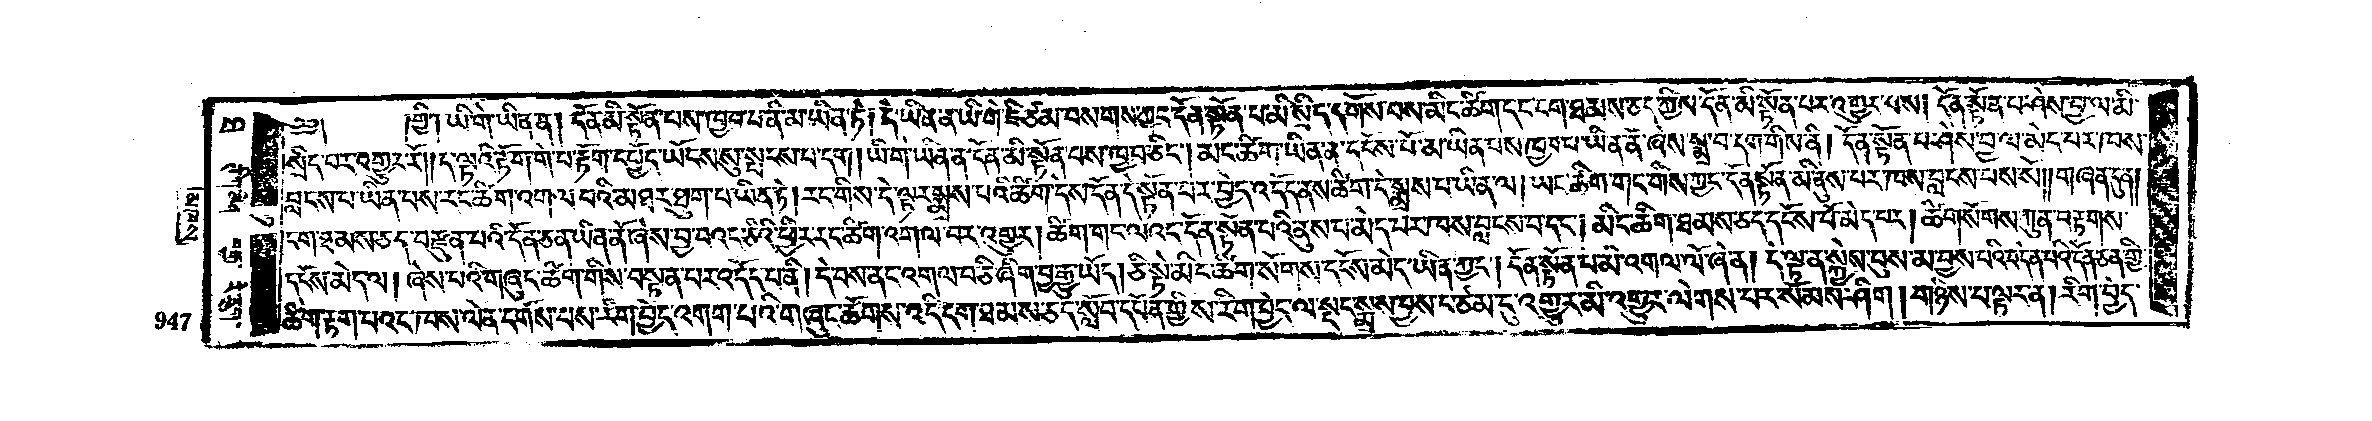༄༅། །གྱི། ཡི་གེ་ཡིན་ན། དོན་མི་སྟོན་པས་ཁྱབ་པ་ནི་མ་ཡིན་ཏེ། དེ་ཡིན་ན་ཡི་གེ་ཇི་ཙམ་བསགས་ཀྱང་དོན་སྟོན་པ་མི་སྲིད་དགོས་པས་མིང་ཚིག་དང་ངག་ཐམས་ཅད་ཀྱིས་དོན་མི་སྟོན་པར་འགྱུར་པས། དོན་སྟོན་པ་ཤེས་བྱ་ལ་མི་
སྲིད་པར་འགྱུར་རོ། །ད་ལྟའི་རྟོག་གེ་པ་རྟོག་དཔྱོད་ཡོངས་སུ་སྤངས་པ་དག། ཡི་གེ་ཡིན་ན་དོན་མི་སྟོན་པས་ཁྱབ་ཅིང་། མང་ཚིག་ཡིན་ན་དངོས་པོ་མ་ཡིན་པས་ཁྱབ་པ་ཡིན་ནོ་ཞེས་སྨྲ་བ་དག་གིས་ནི། དོན་སྟོན་པ་ཤེས་བྱ་ལ་མེད་པར་ཁས་
བླངས་པ་ཡིན་པས་རང་ཚིག་འགལ་བའི་མཐར་ཐུག་པ་ཡིན་ཏེ། རང་གིས་དེ་ལྟར་སྨྲས་པའི་ཚིག་དེས་དོན་དེ་སྟོན་པར་བྱེད་འདོད་ནས་ཚིག་དེ་སྨྲས་པ་ཡིན་ལ། ཡང་ཚིག་གང་གིས་ཀྱང་དོན་སྟོན་མི་ནུས་པར་ཁས་བླངས་པས་སོ། །གཞན་དུ་ན།
ངག་ཐམས་ཅད་བརྫུན་པའི་དོན་ཅན་ཡིན་ནོ་ཞེས་བྱ་བའང་ཅིའི་ཕྱིར་རང་ཚིག་འགལ་བར་འགྱུར། ཚིག་གང་ལའང་དོན་སྟོན་པའི་ནུས་པ་མེད་པར་ཁས་བླངས་པ་དང་། མིང་ཚིག་ཐམས་ཅད་དངོས་པོ་མེད་པར། ཚིགས་སོགས་ཀུན་བརྟགས་
དངོས་མེད་ལ། ཞེས་པའི་གཞུང་ཚིག་གིས་བསྟན་པར་འདོད་པ་ནི། དེ་བས་ནང་འགལ་བ་ཅི་ཞིག་བྱ་རྒྱུ་ཡོད། ཅི་སྟེ་མིང་ཚིག་སོགས་དངོས་མེད་ཡིན་ཀྱང་། དོན་སྟོན་པ་མི་འགལ་ལོ་ཞེ་ན། དེ་ལྟ་ན་སྐྱེས་བུས་མ་བྱས་པའི་བདེན་པའི་དོན་ཅན་གྱི་
ཚིག་རྟག་པའང་ཁས་ལེན་དགོས་པས་རིག་བྱེད་འགག་པའི་གཞུང་ཚོགས་འདི་དག་ཐམས་ཅད་སློབ་དཔོན་གྱིས་རིག་བྱེད་ལ་སྡང་སྨྲས་བྱས་པ་ཙམ་དུ་འགྱུར་མི་འགྱུར་ལེགས་པར་སོམས་ཤིག། གཉིས་པ་ལྟར་ན། རིག་བྱེད་